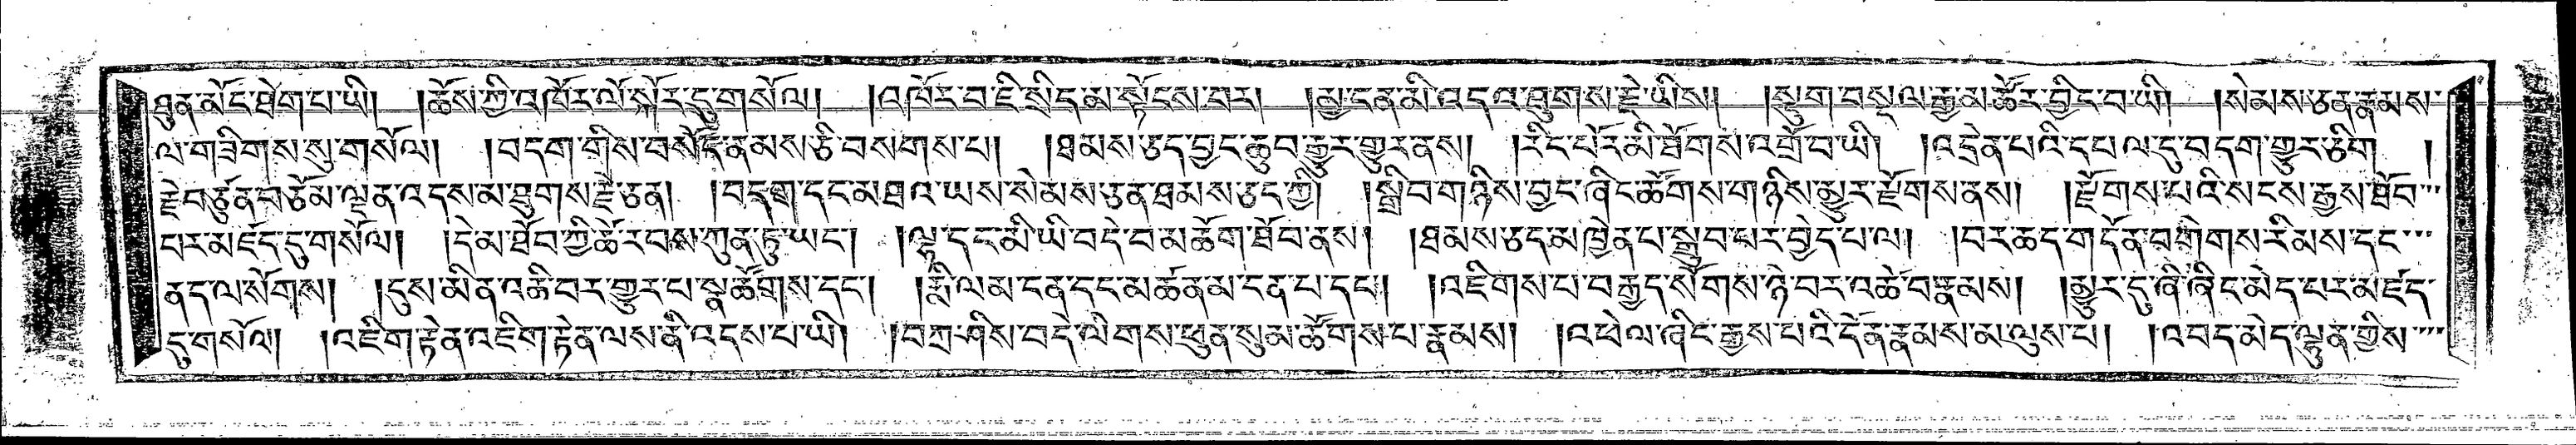ཐུན་མོང་ཐེག་པ་ཡི། །ཆོས་ཀྱི་འཁོར་ལོ་སྐོར་དུ་གསོལ། །འཁོར་བ་ཇི་སྲིད་མ་སྟོངས་བར། །མྱ་ངན་མི་འདའ་ཐུགས་རྗེ་ཡིས། །སྡུག་བསྔལ་རྒྱ་མཚོར་བྱིང་བ་ཡི། །སེམས་ཅན་རྣམས་
ལ་གཟིགས་སུ་གསོལ། །བདག་གིས་བསོད་ནམས་ཅི་བསགས་པ། །ཐམས་ཅད་བྱང་ཆུབ་རྒྱུར་གྱུར་ནས། །རིང་པོར་མི་ཐོགས་འགྲོ་བ་ཡི། །འདྲེན་པའི་དཔལ་དུ་བདག་གྱུར་ཅིག །
རྗེ་བཙུན་བཅོམ་ལྡན་འདས་མ་ཐུགས་རྗེ་ཅན། །བདག་དང་མཐའ་ཡས་སེམས་ཅན་ཐམས་ཅད་ཀྱི། །སྒྲིབ་གཉིས་བྱང་ཞིང་ཚོགས་གཉིས་མྱུར་རྫོགས་ནས། །རྫོགས་པའི་སངས་རྒྱས་ཐོབ་
པར་མཛད་དུ་གསོལ། །དེ་མ་ཐོབ་ཀྱི་ཚེ་རབས་ཀུན་ཏུ་ཡང་། །ལྷ་དང་མི་ཡི་བདེ་བ་མཆོག་ཐོབ་ནས། །ཐམས་ཅད་མཁྱེན་པ་སྒྲུབ་པར་བྱེད་པ་ལ། །བར་ཆད་གདོན་བགེགས་རིམས་དང་
ནད་ལ་སོགས། །དུས་མིན་འཆི་བར་གྱུར་པ་སྣ་ཚོགས་དང་། །རྨི་ལམ་ངན་དང་མཚན་མ་ངན་པ་དང་། །འཇིགས་པ་བརྒྱད་སོགས་ཉེ་བར་འཚེ་བ་རྣམས། །མྱུར་དུ་ཞི་ཞིང་མེད་པར་མཛད་
དུ་གསོལ། །འཇིག་རྟེན་འཇིག་རྟེན་ལས་ནི་འདས་པ་ཡི། །བཀྲ་ཤིས་བདེ་ལེགས་ཕུན་སུམ་ཚོགས་པ་རྣམས། །འཕེལ་ཞིང་རྒྱས་པའི་དོན་རྣམས་མ་ལུས་པ། །འབད་མེད་ལྷུན་གྱིས་